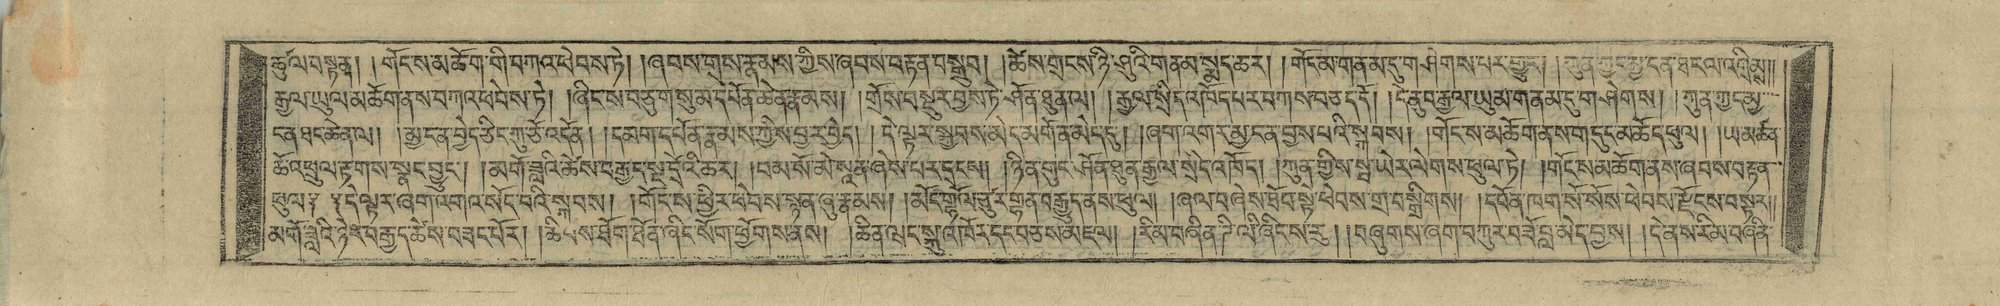ཚུལ་བསྟན། །གོང་ས་མཆོག་གི་བཀའ་ཕེབས་ཏེ། །ཞབས་གྲས་རྣམས་ཀྱིས་ཞབས་བརྟན་བསྒྲུབ། །ཚེས་གྲངས་ཉི་ཤུའི་གནམ་སྨད་ཆར། །གོང་མ་གནམ་དུ་གཤེགས་པར་གྱུར། །ཀུན་ཀྱང་མྱ་ངན་ཐང་ལ་འགྲིམས། །
རྒྱལ་ཡུལ་མཆོག་ནས་བཀའ་ཕེབས་ཏེ། །ཞིང་ས་བཅུ་གསུམ་དཔོན་ཆེན་རྣམས། །གྲོས་བསྡུར་བྱས་ཏེ་ཤོན་ཐུན་ལ། །རྒྱལ་སྲིད་འཁོད་པར་བཀས་བཅད་དོ། །དེ་ནུབ་རྒྱལ་ཡུམ་གནམ་དུ་གཤེགས། །ཀུན་ཀྱང་མྱ་
ངན་ཐང་ཆེན་ལ། །མྱ་ངན་བྱེད་ཅིང་ཀུ་ཅོ་འདོན། །དམག་དཔོན་རྣམས་ཀྱིས་བྱ་ར་བྱེད། །དེ་ལྟར་སྐྱབས་མེད་མགོན་མེད་དུ། །ཞག་འགར་མྱ་ངན་བྱས་པའི་སྐབས། །གོང་ས་མཆོག་ནས་གདུང་མཆོད་ཕུལ། །ཡ་མཚན་
ཆོ་འཕྲུལ་རྟགས་སྣང་བྱུང་། །མགོ་ཟླའི་ཚེས་བརྒྱད་སྔ་དྲོའི་ཆར། །བམ་སོ་མེ་སཱན་ཞེས་པར་དྲངས། །ཉིན་གུང་ཤོན་ཐུན་རྒྱལ་སྲིད་འཁོད། །ཀུན་གྱིས་སྦ་ཡེར་ལེགས་ཕུལ་ཏེ། །གོང་ས་མཆོག་ནས་ཞབས་བརྟན་
ཕུལ། །དེ་ལྟར་ཞག་འགའ་སོང་བའི་སྐབས། །གོང་ས་ཕྱིར་ཕེབས་སྙན་ཞུ་རྣམས། །མོང་གྷོལ་ཙུར་གྷན་བརྒྱུད་ནས་ཕུལ། །ཞལ་བཞེས་ཐོབ་སྟེ་ཕེབས་གྲ་བསྒྲིགས། །དཔོན་ཁག་སོ་སོས་ཕེབས་རྫོངས་བསྟར། །
མགོ་ཟླའི་ཉེར་བརྒྱད་ཚེས་བཟང་པོར། །ཆིབས་ཐོག་ཐོན་ཞིང་སོག་ཕྱོགས་ནས། །ཆིན་ཝང་སྐུ་འཁོར་དང་བཅས་མཇལ། །རིམ་བཞིན་ཌི་ལི་ཞིང་ས་རུ། །བཞུགས་ཞག་བཀུར་བཟོ་བླ་མེད་བྱས། །དེ་ནས་རིམ་བཞིན་